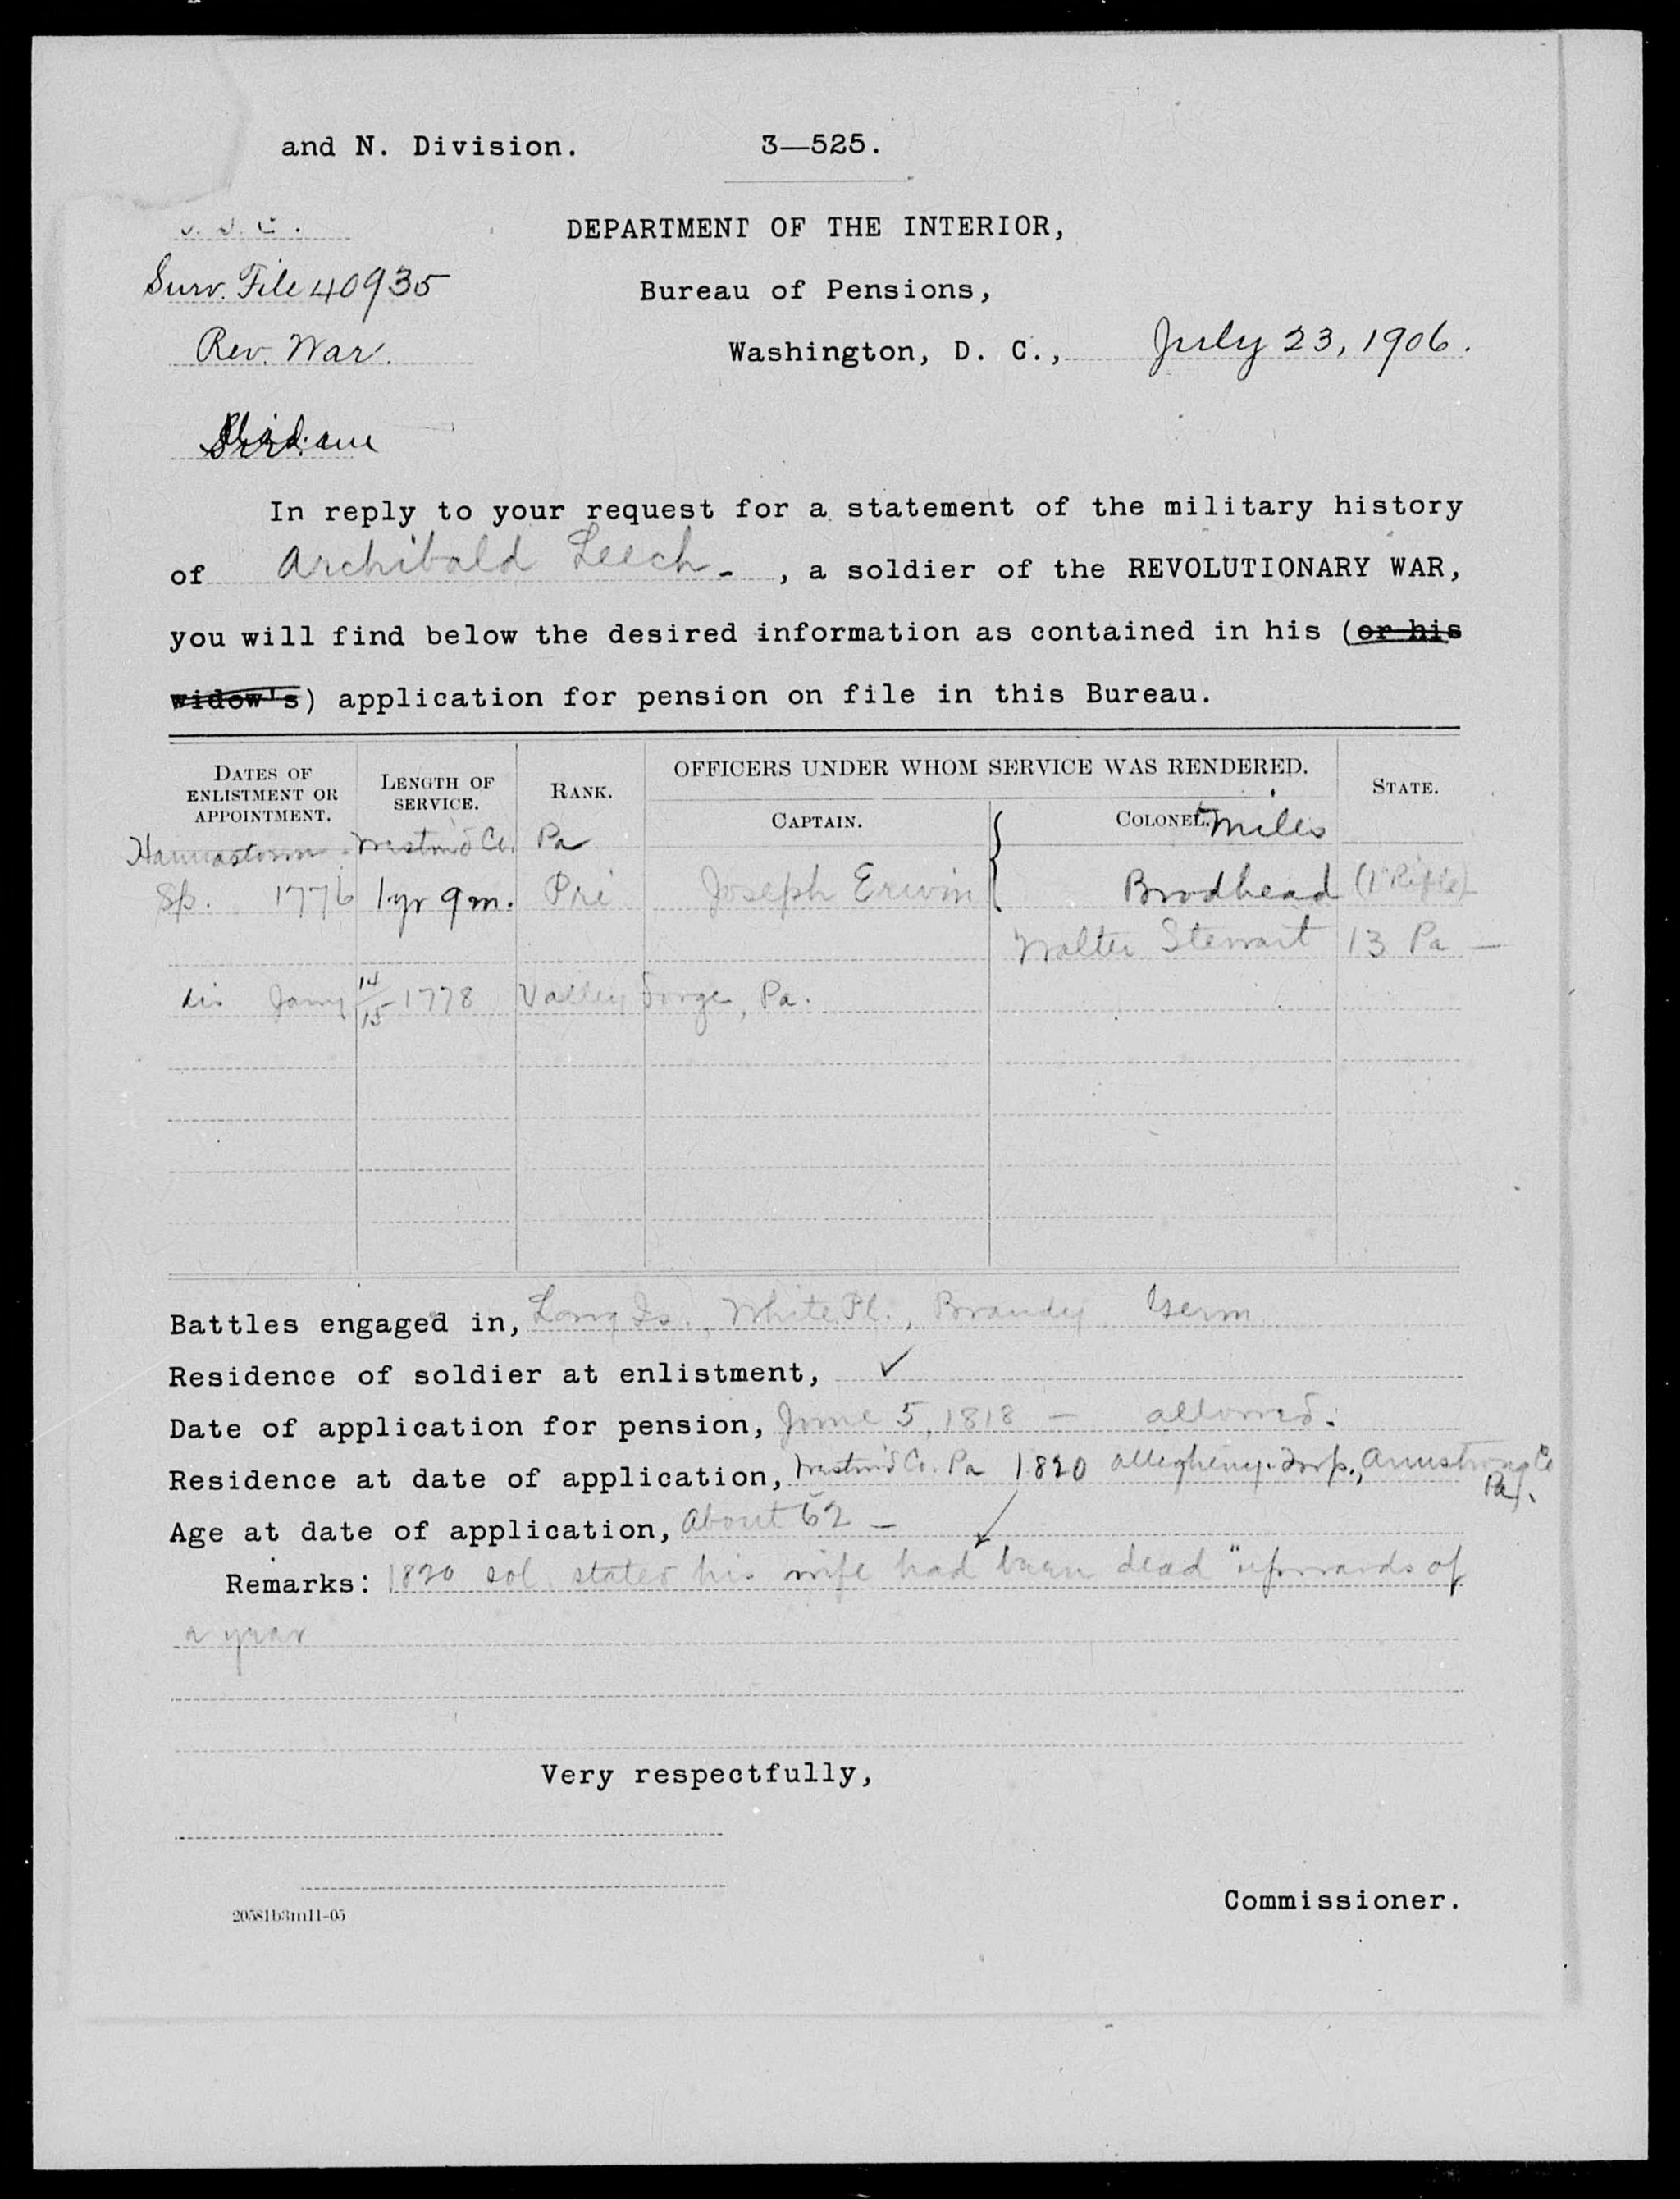and N. Division.
3 -- 525.
DEPARTMENT OF THE INTERIOR,
Bureau of Pensions,
Washington, D. C., July 23, 1906
Surv. File 40935
Rev. War
In reply to your request for a statement of the military history of Archibald Leech, a soldier of the REVOLUTIONARY WAR, you will find below the desired information as contained in his application for pension on file in this Bureau.
DATES OF ENLISTMENT OR APPOINTMENT. | LENGTH OF SERVICE. | RANK. | OFFICERS UNDER WHOM SERVICE WAS RENDERED. (CAPTAIN., COLONEL.) | STATE.
Hannastown, Westmoreland Co., Pa., Spring 1776 | 1 Yr 9 m. | Private | Joseph Erwin, (Miles, Brodhead, Walter Stewart) | (1 Rifle) 13 PA
January 14/15 1778, Valley Forge | | | | 
Battles engaged in, Long Island, White Plains, Brandywine, Germantown
Residence of soldier at enlistment, [checkmark]
Date of application for pension, June 5, 1818, allowed.
Residence at date of application, Westmoreland County, Pa. 1820, Allegheny Township, Armstrong County, Pa.
Age at date of application, about 62.
Remarks: 1820 soldier states his wife had been dead "upwards of a year"
Very respectfully,
[blank]
Commissioner.
20581b3m11-05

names: Walter Stewart; Archibald Leech; [BLANK] Brodhead; Joseph Erwin; [BLANK] Miles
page: 13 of 20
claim: survivor's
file: S. 40,935, for Archibald Leech, Pennsylvania